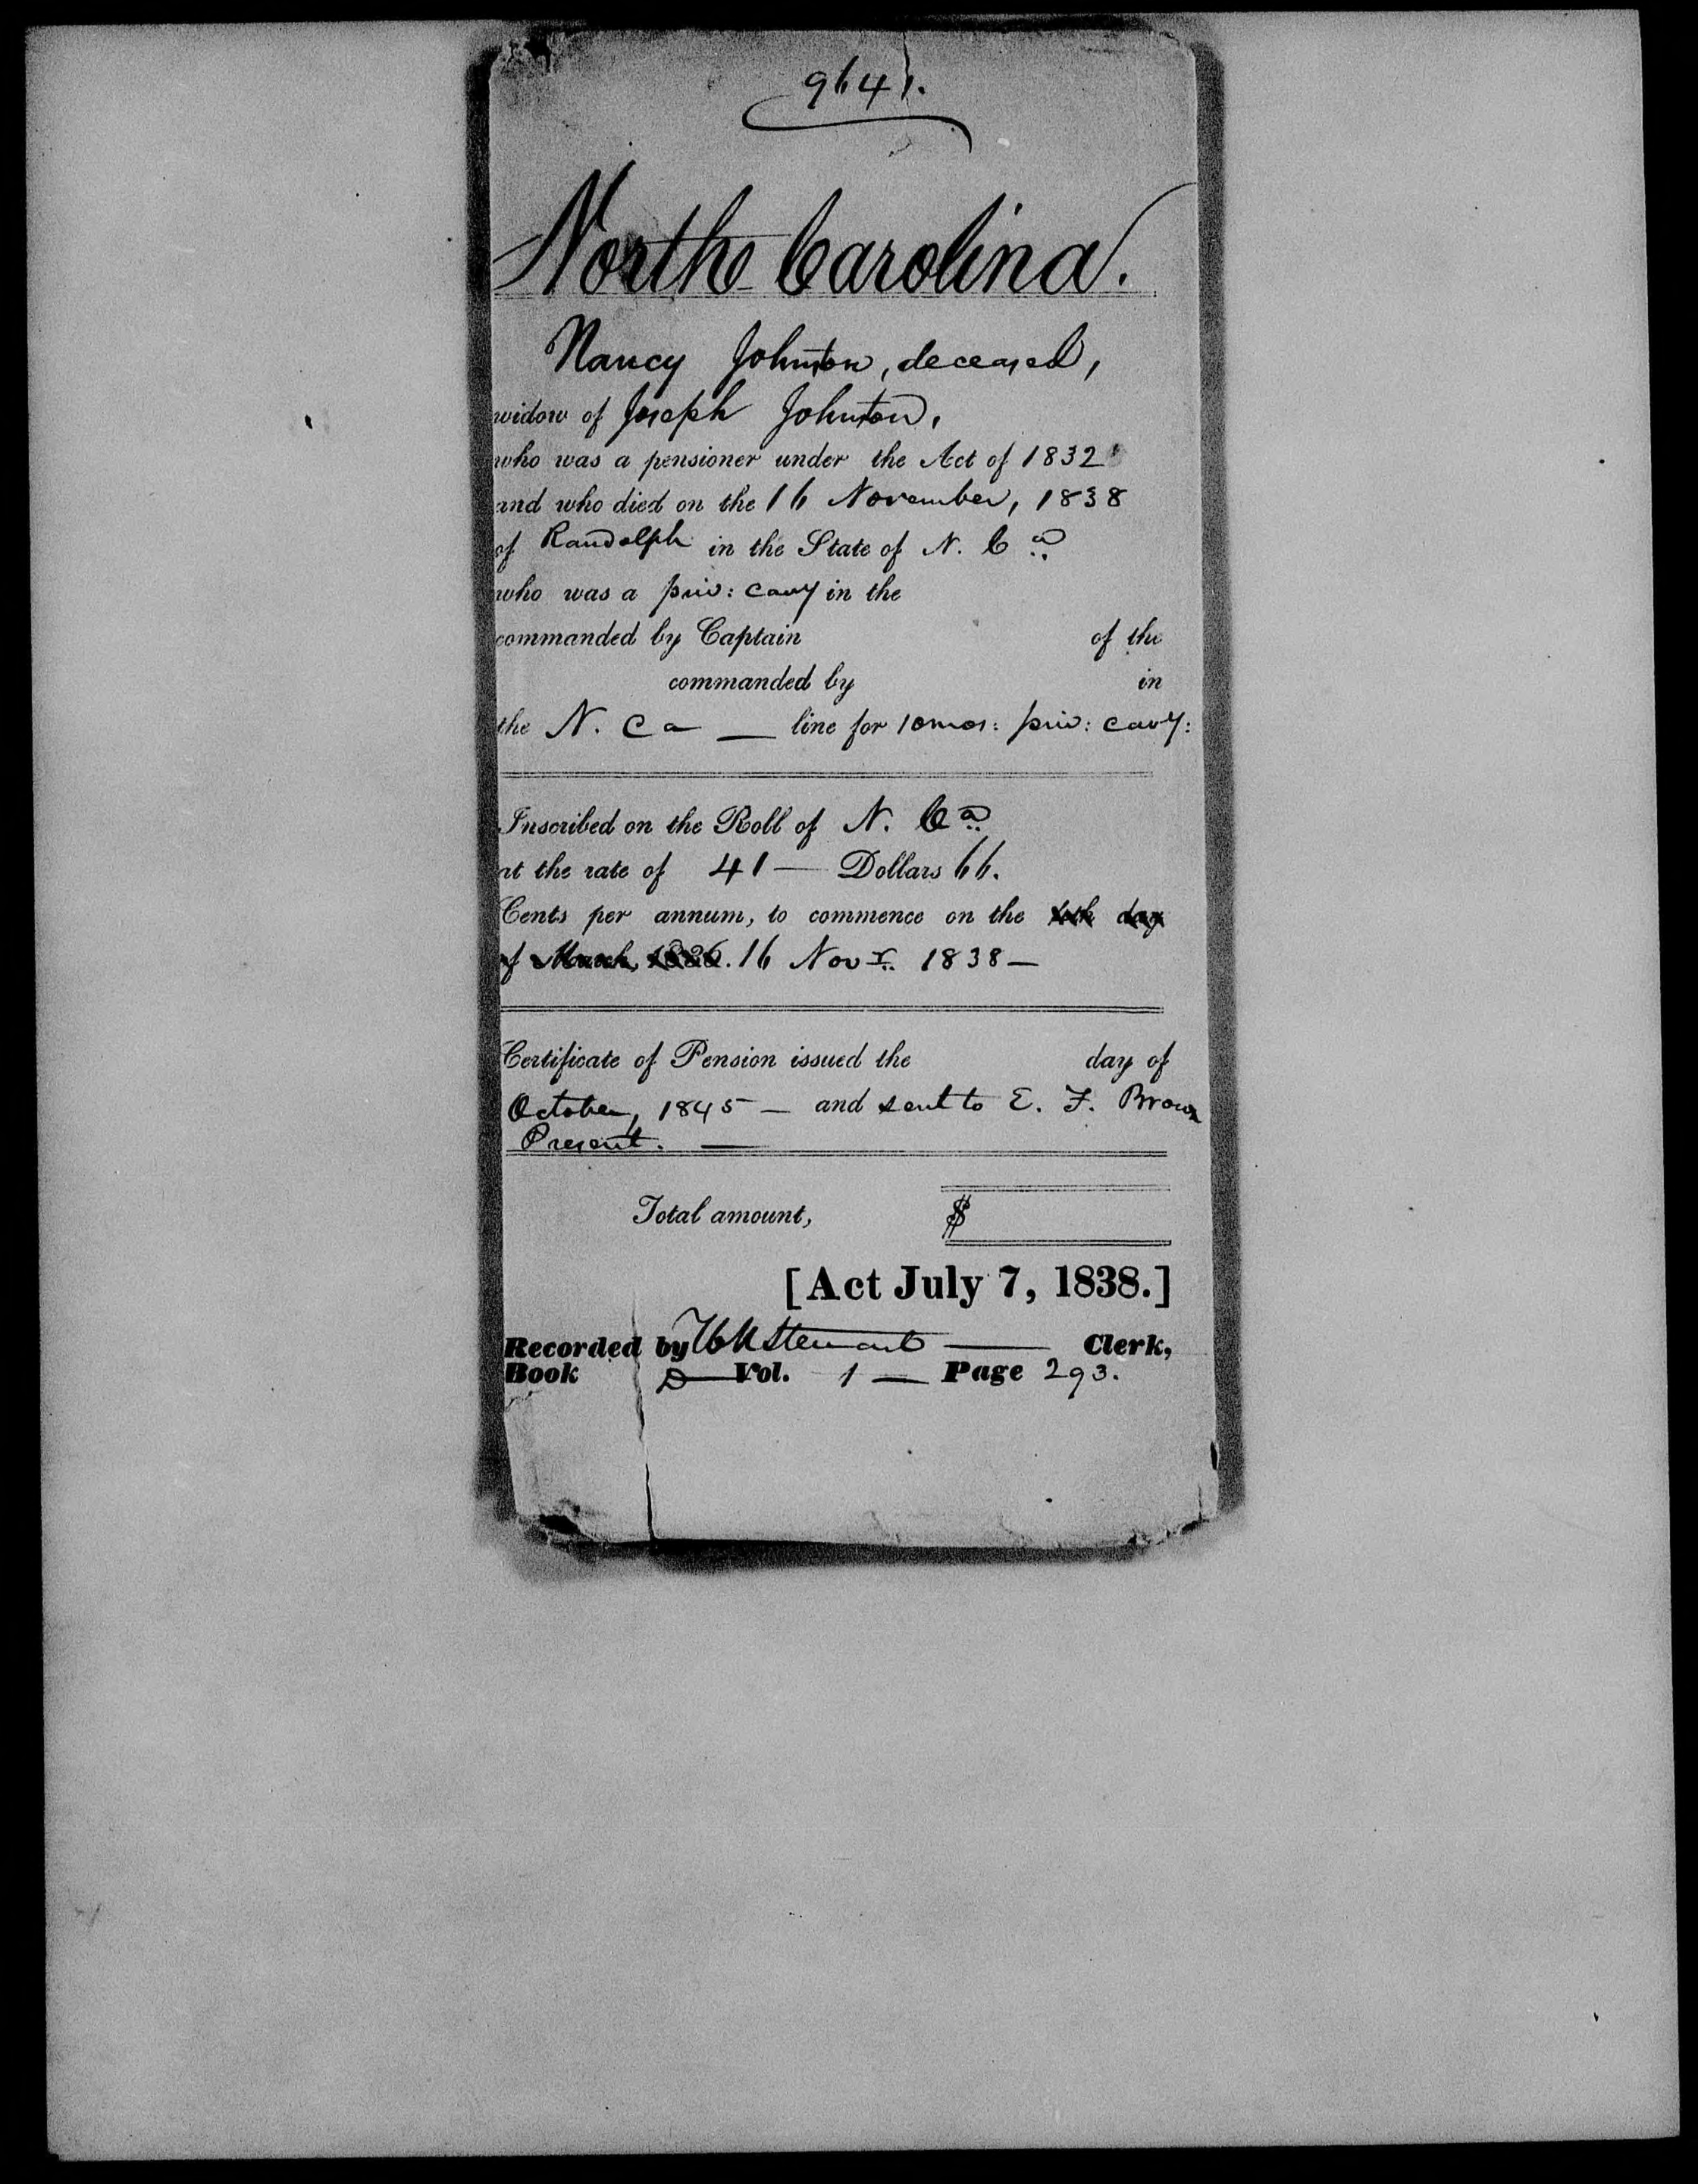[typed form, with handwritten responses]

9641 
North Carolina. 
Nancy Johnson, deceased, 
widow of Joseph Johnson who was a pensioner under the Act of 1832 and who died on the 16 November, 1838 of Randolph in the State of N. C. who was a pri: cavy [private of calvary] in the [blank] commanded by Captain [blank] of the [blank] commanded by [blank] in the N. Ca. line for 10 mos: [months] priv: Cavy [private of calvary] 

Inscribed on the Roll of N. Ca. at the rate of 41 - Dollars 66. Cents per annum, to commence [crossed out - on the 4th day of March 1836]. 16 Novr [November] 1838 – 

Certificate of Pension issued the [blank] day of October, 1845 - and sent to E.F. Brown Present.

Total amount, $ [blank]

{Act July 7, 1838.}

Recorded by U M Stewart - Clerk,
Book D Vol. 1 Page 293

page: 23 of 41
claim: widow's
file: W. 5033, for Joseph Johnston, North Carolina